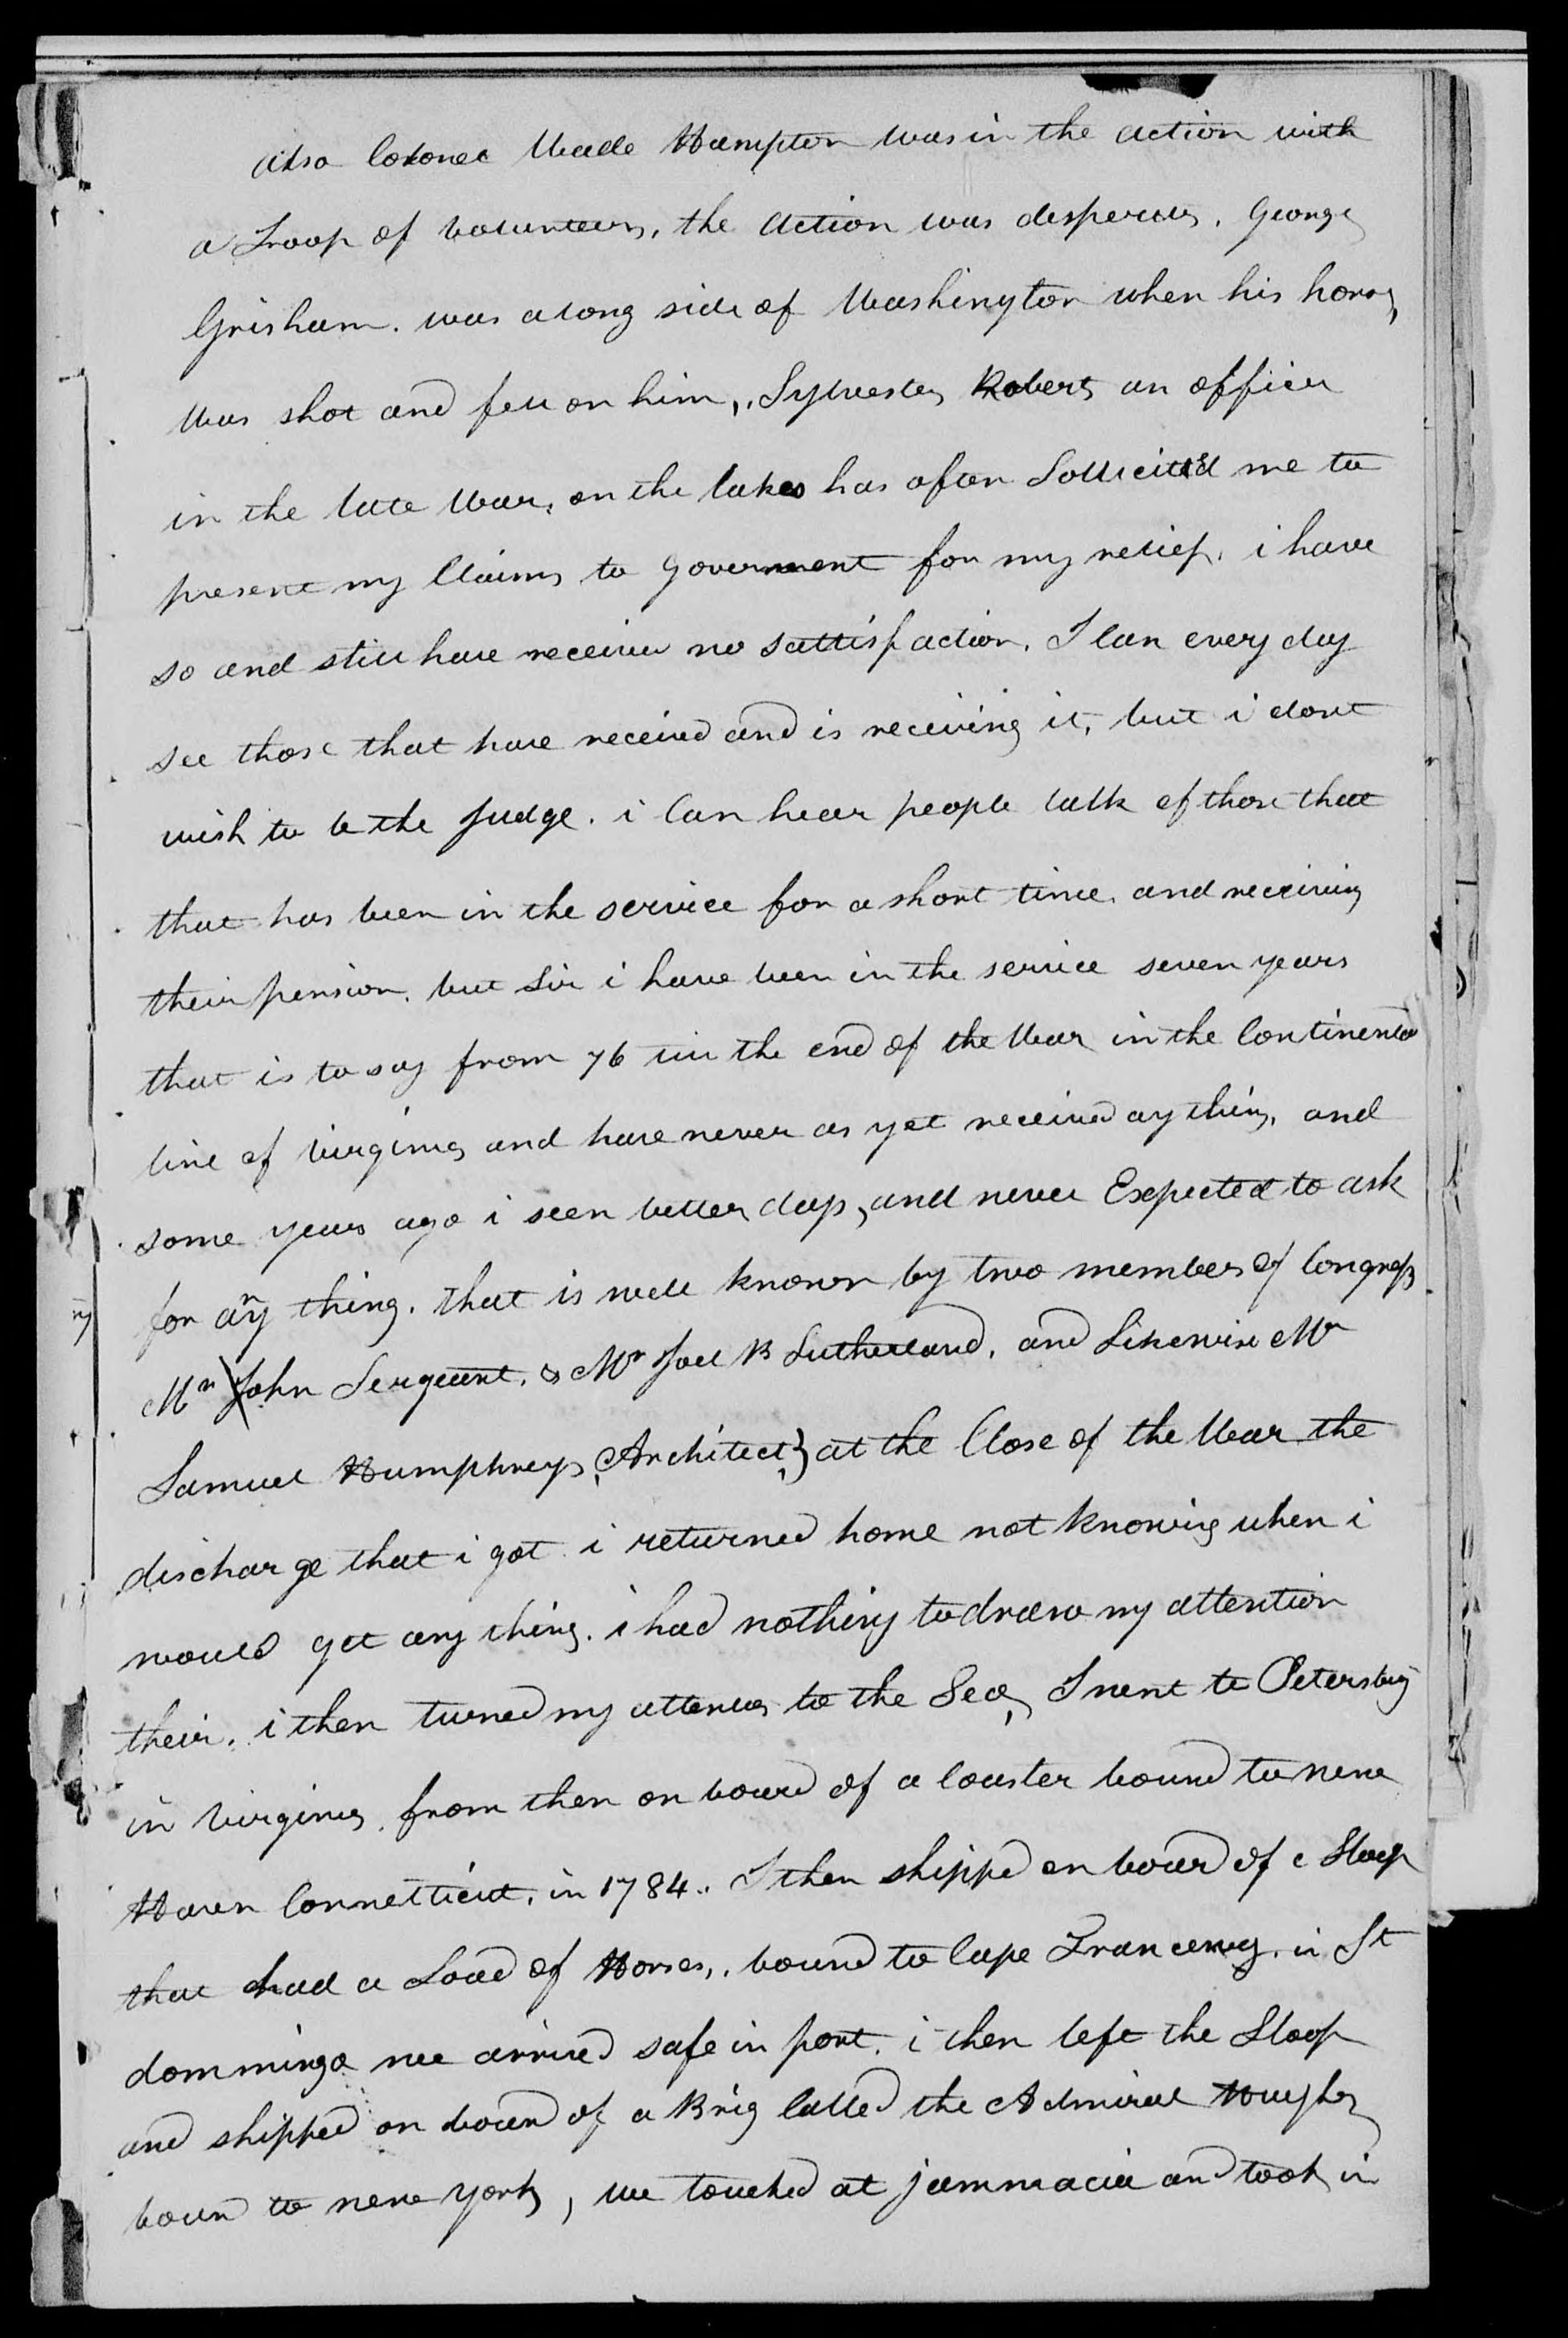Also Colonel Meade Hampton was in the action with a troop of volunteers. The action was desperate. George Grisham was alongside of Washington when his horse was shot and fell on him. Sylvester Roberts, an officer in the late war, on the lakes has often solicited me to present my claims to government for my relief. I have so and still have received no satisfaction. I can everyday see those that have received and is receiving it, but I don’t wish to be the judge. I can hear people of those that have been in the service for a short time and receiving their pension, but sir I have been in the service seven years that is to say from 1775 to the end of the war in the Continental Line of Virginia and have never as yet received anything and some years ago I have seen better days, and never expected to ask for anything. That is well known by two members of Congress, M. John Sergeant, M. Joel N. Sutherland, and Samuel Humphrey, architect at the close of the war. The discharge that I got I returned home, not knowing when I would get anything. I had nothing to draw my attention then I turned my attention to the sea. I went to Petersburg in Virginia, from then on bound of the [Illegible] Connecticut, in 1784, I then shipped onboard of a sloop that had a load of horses, bound to Cape Draney in St. Domingo. We arrived safe in port. I then left the sloop and shipped on board of a brig called the Admiral Trough, bound to New York, we traveled at Jamaica and took in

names: Joel B Sutherland, Samuel Humphrey, George Grisham, John Sergeant, Sylvester Roberts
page: 42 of 51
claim: widow's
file: W 8939, George Hood, Continental Va.